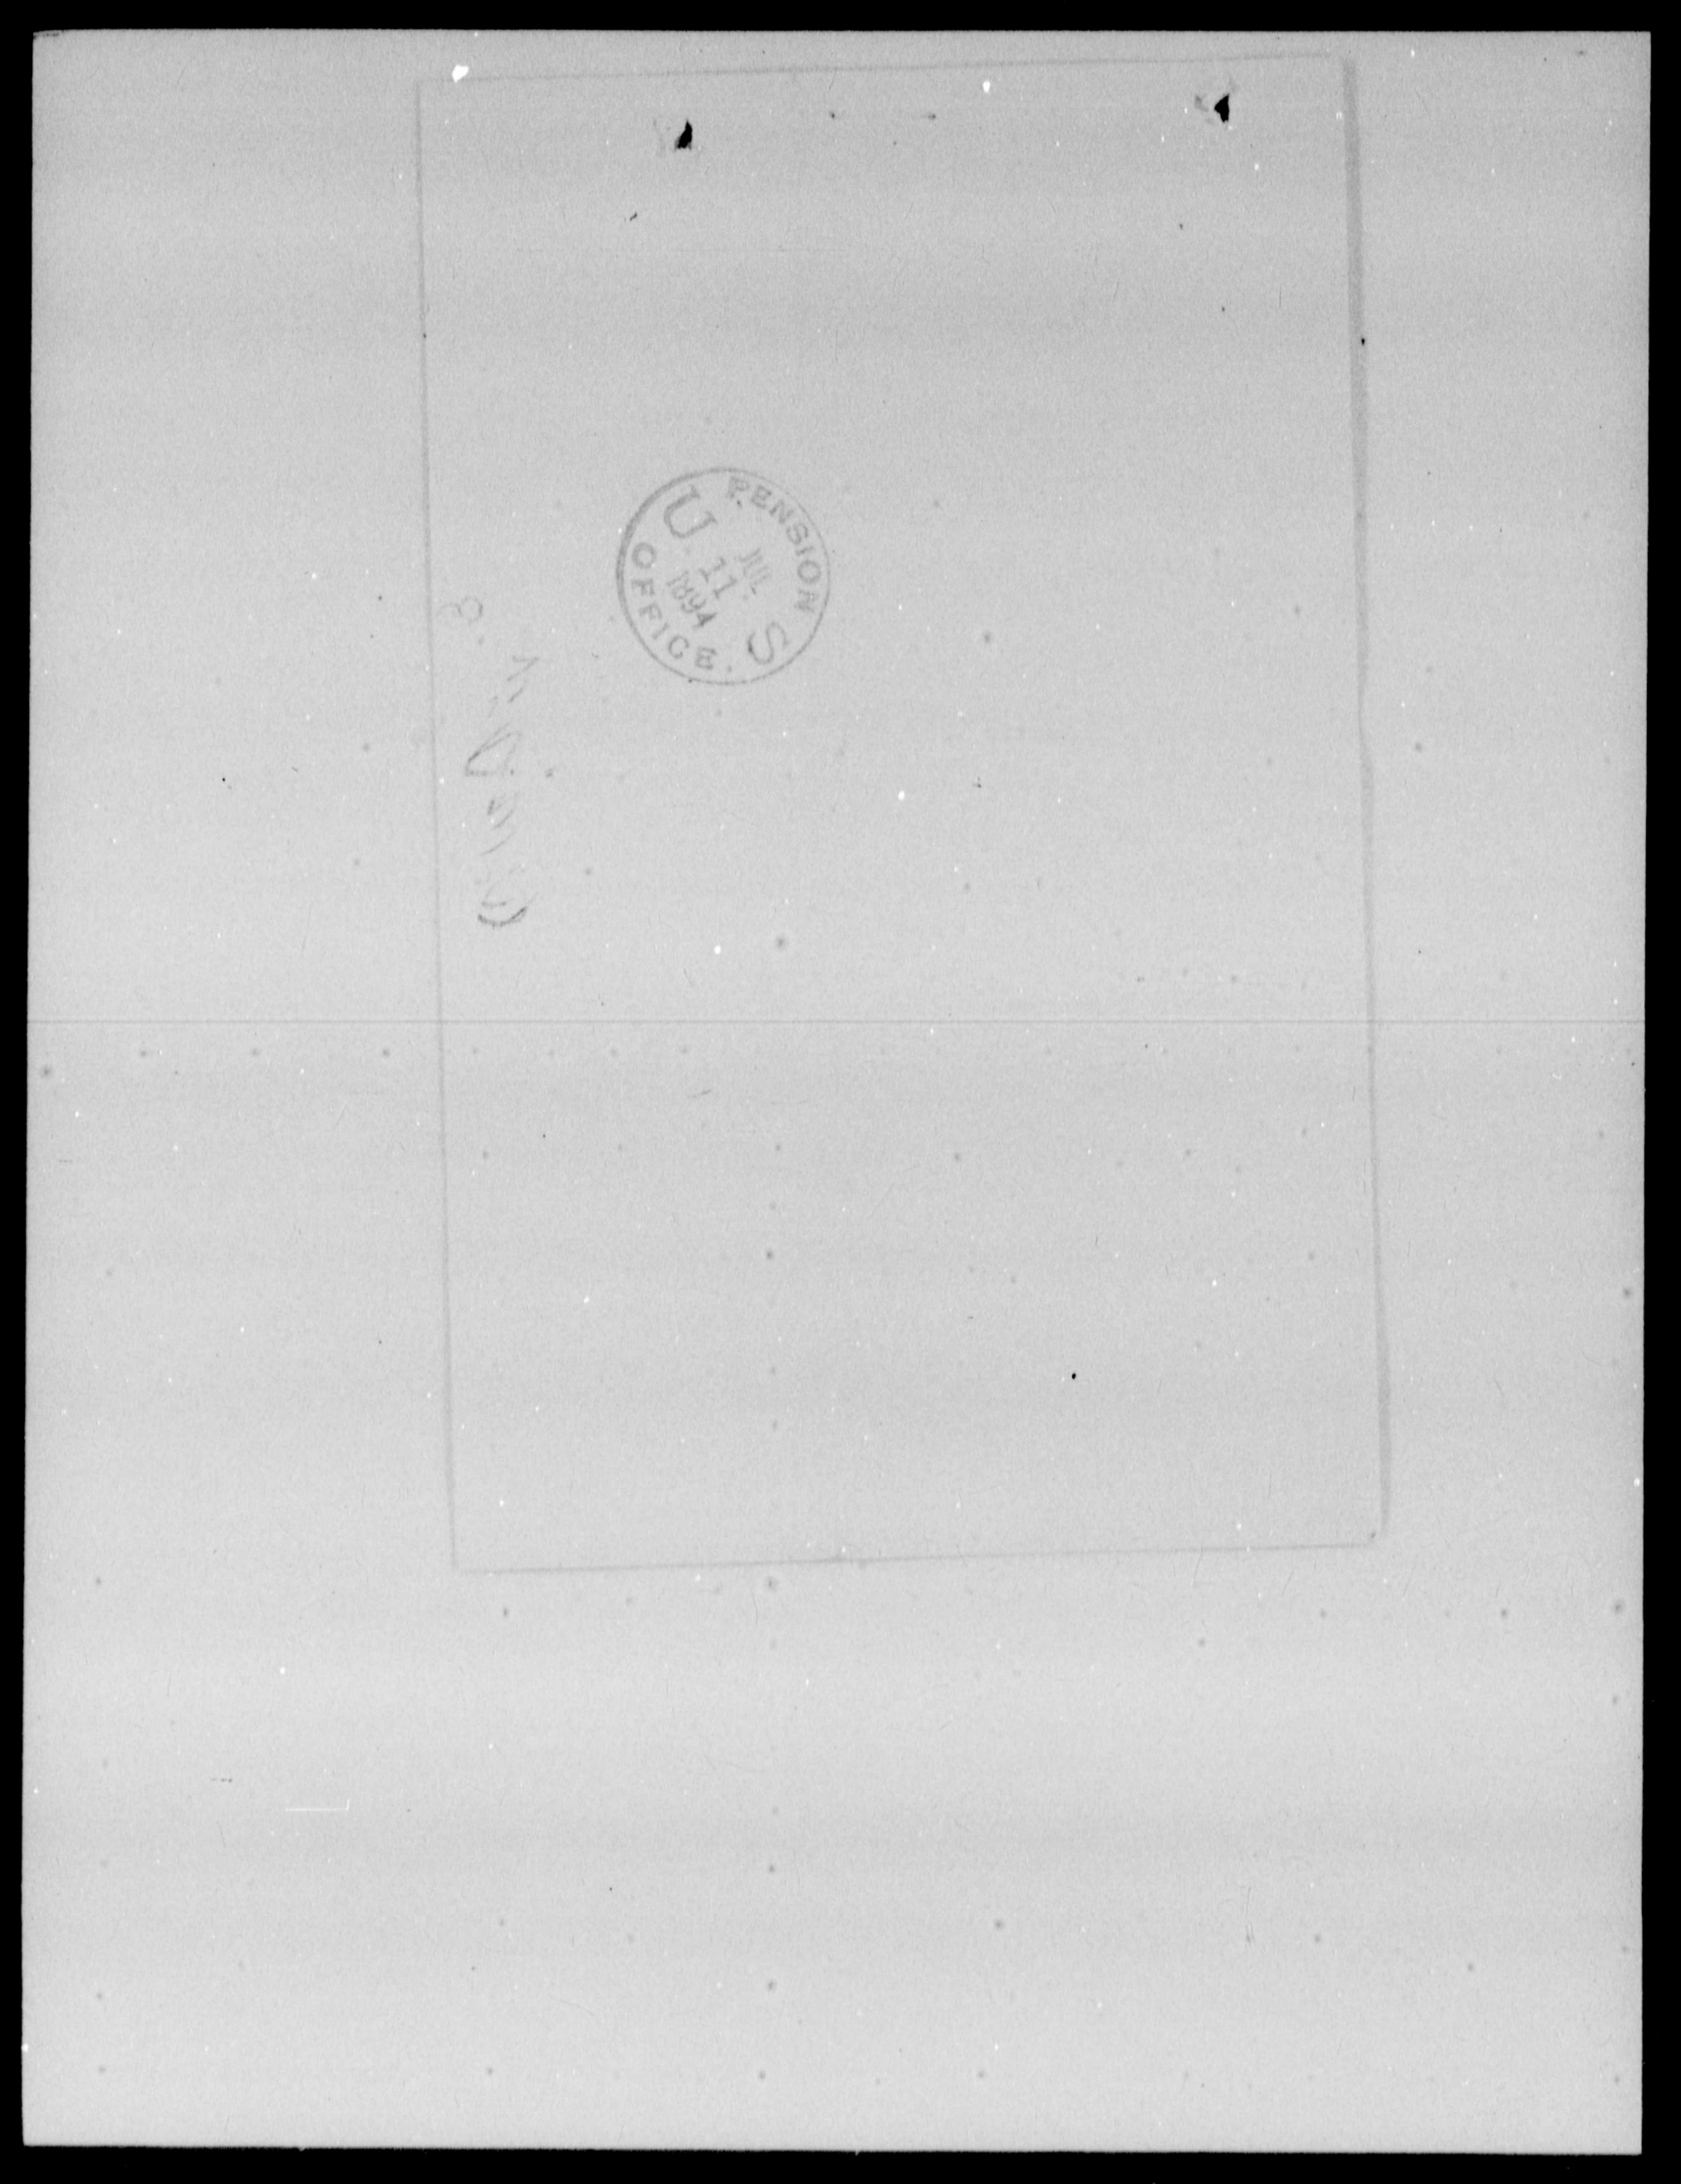U. S. PENSION OFFICE. 
JUL 11 1894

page: 24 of 84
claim: widow's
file: W.11104, for John Remay, Virginia